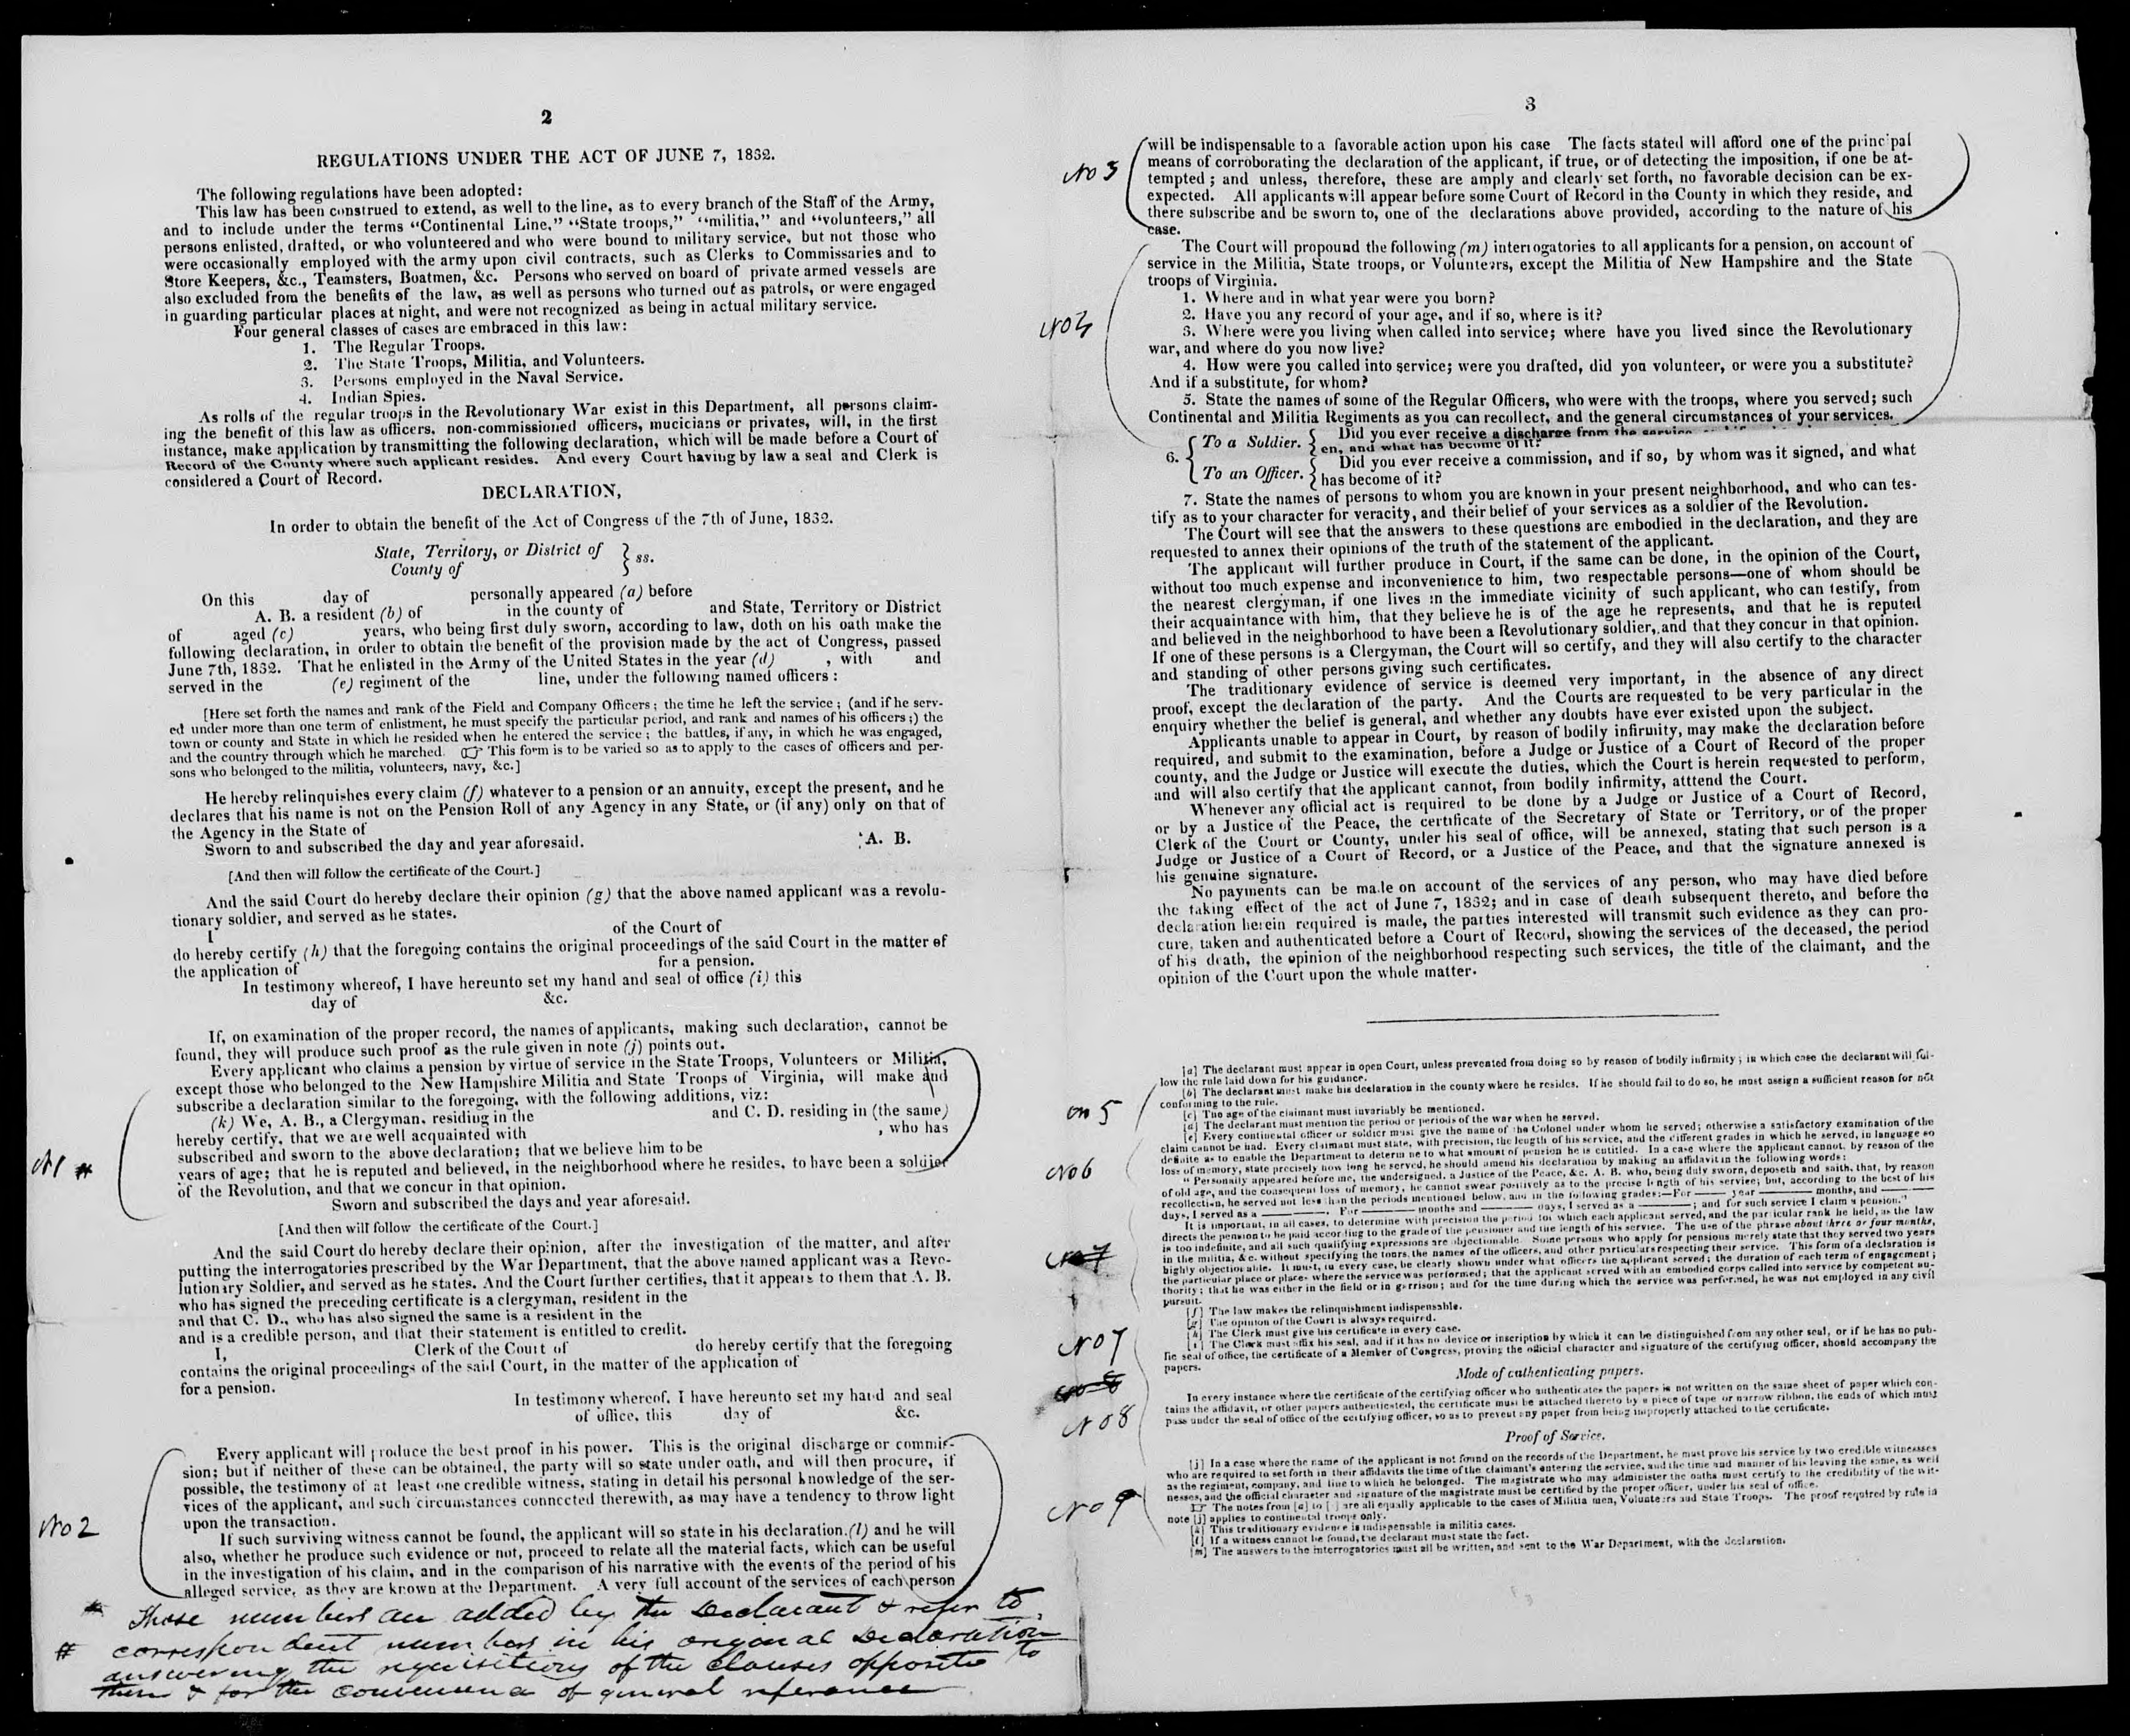2
REGULATIONS UNDER THE ACT OF JUNE 7, 1832.

The following regulations have been adopted:
This law has been construed to extend, as well to the line, as to every branch of the Staff of the Army, and to include under the terms "Continental Line," "State troops," "militia" and "volunteers, all persons enlisted, drafted, or who volunteered and who were bound to military service, but not those who were occasionally employed with the army upon civil contracts, such as Clerks to Commissaries and to Store Keepers, &c., Teamsters, Boatmen, &c. Persons who served on board of private armed vessels are also excluded from the benefits of the law, as well as persons who turned out as patrols, or were engaged in guarding particular places at night, and were not recognized as being in actual military service.
Four general classes of cases are embraced in this law:
1. The Regular Troops.
2. The State Troops, Militia, and Volunteers.
3. Persons employed in the Naval Service.
4. Indian Spies.
As rolls of the regular troops in the Revolutionary War exist in this Department, all persons claiming the benefit of this law as officers, non-commissioned officers, mucicians or privates, will, in the first instance, make application by transmitting the following declaration, which will be made before a Court of Record of the County where such applicant resides. And every Court having by law a seal and Clerk is considered a Court of Record.

DECLARATION,
In order to obtain the benefit of the Act of Congress of the 7th of June, 1832.
State, Territory, or District of [BLANK]
County of [BLANK] ss.
On this [BLANK] day of [BLANK] personally appeared (a) before [BLANK] A.B. a resident (b) of [BLANK] in the county of [BLANK] and State, Territory or District of [BLANK] aged (c) [BLANK] years, who being first duly sworn, according to law, doth on his oath make the following declaration, in order to obtain the benefit of the provision made by the act of Congress, passed June 7th, 1832. That he enlisted in the Army of the United States in the year (d) [BLANK], with [BLANK] and served in the [BLANK] (e) regiment of the [BLANK] line, under the following named officers: [BLANK]
[Here set forth the names and rank of the Field and Company Officers; the time he left the service; (and if he served under more than one term of enlistment, he must specify the particular period, and rank and names of his officers;) the town or county and State in which he resided when he entered the service; the battles, if any, in which he was engaged, and the country through which he marched. [symbol of a hand pointing to the right] This form is to be varied so as to apply to the cases of officers and persons who belonged to the militia, volunteers, navy, &c.]
He hereby relinquishes every claim (f) whatever to a pension or an annuity, except the present, and he declares that his name is not on the Pension Roll of any Agency in any State, or (if any) only on that of the Agency in the State of [BLANK]
Sworn to and subscribed the day and year aforesaid. [BLANK] A. B.
[And then will follow the certificate of the Court.]
And the said Court do hereby declare their opinion (g) that the above named applicant was a revolutionary soldier, and served as he states.
I [BLANK] of the Court of [BLANK] do hereby certify (h) that the foregoing contains the original proceedings of the said Court in the matter of the application of [BLANK] for a pension.
In testimony whereof, I have hereunto set my hand and seal of office (i) this [BLANK] day of [BLANK] & c.

If, on examination of the proper record, the names of applicants, making such declaration, cannot be found, they will produce such proof as the rule given in note (j) points out.

[The following section is enclosed in handwritten parentheses, with the note: N1 #]
Every applicant who claims a pension by virtue of service in the State Troops, Volunteers or Militia, except those who belonged to the New Hampshire Militia and State Troops of Virginia, will make and subscribe a declaration similar to the foregoing, with the following additions, viz:
(k) We, A. B., a Clergyman, residing in the [BLANK] and C.D. residing in (the same) hereby certify, that we are well acquainted with [BLANK], who has subscribed and sworn to the above declaration; that we believe him to be [BLANK] years of age; that he is reputed and believed, in the neighborhood where he resides, to have been a soldier of the Revolution, and that we concur in that opinion.
Sworn and subscribed the days and year aforesaid.
[And then will follow the certificate of the Court.]
And the said Court do hereby declare their opinion, after the investigation of the matter, and after putting the interrogatories prescribed by the War Department, that the above named applicant was a Revolutionary Soldier, and served as he states. And the Court further certifies, that it appears to them that A.B. who has signed the preceding certificate is a clergyman, resident in the [BLANK] and that C.D., who has also signed the same is a resident in the [BLANK] and is a credible person, and that their statement is entitled to credit.
I, [BLANK] Clerk of the Court of [BLANK] do hereby certify that the foregoing contains the original proceedings of the said Court, in the matter of the application of [BLANK] for a pension.
In testimony whereof, I have hereunto set my hand and seal of office, this [BLANK] day of [BLANK] & c.

[The following two paragraphs are enclosed in handwritten parentheses, with the note: No 2]
Every applicant will produce the best proof in his power. This is the original discharge or commission; but if neither of these can be obtained, the party will so state under oath, and will then procure, if possible, the testimony of at least one credible witness, stating in detail his personal knowledge of the services of the applicant, and such circumstances connected therewith, as may have a tendency to throw light upon the transaction.
If such surviving witness cannot be found, the applicant will so state in his declaration (l) and he will also, whether he produce such evidence or not, proceed to relate all the material facts, which can be useful in the investigation of his claim, and in the comparison of his narrative with the events of the period of his alleged service, as they are known at the Department. A very full account of the services of each person

[The following is a handwritten note inserted at the bottom of the page: # Those numbers an added by the Declarant & refer to
correspondent numbers in his original declaration answering the requisitiory of the clauses opposite to & for the convenience of general referance]

3
[The following paragraph is enclosed in handwritten parentheses, with the note: No 3]
will be indispensable to a favorable action upon his case The facts stated will afford one of the principal means of corroborating the declaration of the applicant, if true, or of detecting the imposition, if one be attempted; and unless, therefore, these are amply and clearly set forth, no favorable decision can be exexpected . All applicants will appear before some Court of Record in the County in which they reside, and there subscribe and be sworn to, one of the declarations above provided, according to the nature of his case.

[The following section is enclosed in handwritten parentheses, with the note: No 4]
The Court will propound the following (m) interrogatories to all applicants for a pension, on account of service in the Militia, State troops, or Volunteers, except the Militia of New Hampshire and the State troops of Virginia.
1. Where and in what year were you born?
2. Have you any record of your age, and if so, where is it?
3. Where were you living when called into service; where have you lived since the Revolutionary war, and where do you now live?
4. How were you called into service; were you drafted, did you volunteer, or were you a substitute? And if a substitute, for whom?
5. State the names of some of the Regular Officers, who were with the troops, where you served; such Continental and Militia Regiments as you can recollect, and the general circumstances of your services.
6. {To a soldier {Did you ever receive a discharge from the service [text missing due to fold in the document], and what has become of it?
{To an Officer {Did you ever receive a commission, and if so, by whom was it signed, and what has become of it?
7. State the names of persons to whom you are known in your present neighborhood, and who can testify as to your character for veracity, and their belief of your services as a soldier of the Revolution.
The Court will see that the answers to these questions are embodied in the declaration, and they are requested to annex their opinions of the truth of the statement of the applicant.
The applicant will further produce in Court, if the same can be done, in the opinion of the Court, without too much expense and inconvenience to him, two respectable persons - one of whom should be the nearest clergyman, if one lives in the immediate vicinity of such applicant, who can testify, from their acquaintance with him, that they believe he is of the age he represents, and that he is reputed and believed in the neighborhood to have been a Revolutionary soldier, and that they concur in that opinion. If one of these persons is a Clergyman, the Court will so certify, and they will also certify to the character and standing of other persons giving such certificates.
The traditionary evidence of service is deemed very important, in the absence of any direct proof, except the declaration of the party. And the Courts are requested to be very particular in the enquiry whether the belief is general, and whether any doubts have ever existed upon the subject.
Applicants unable to appear in Court, by reason of bodily infirmity, may make the declaration before required, and submit to the examination, before a Judge or Justice of a Court of Record of the proper county, and the Judge or Justice will execute the duties, which the Court is herein requested to perform, and will also certify that the applicant cannot, from bodily infirmity, attend the Court.
Whenever any official act is required to be done by a Judge or Justice of a Court of Record, or by a Justice of the Peace, the certificate of the Secretary of State or Territory, or of the proper Clerk of the Court or County, under his seal of office, will be annexed, stating that such person is a Judge or Justice of a Court of Record, or a Justice of the Peace, and that the signature annexed is his genuine signature.
No payments can be made on account of the services of any person, who may have died before the taking effect of the act of June 7, 1832; and in case of death subsequent thereto, and before the declaration herein required is made, the parties interested will transmit such evidence as they can procure, taken and authenticated before a Court of Record, showing the services of the deceased, the period of his death, the opinion of the neighborhood respecting such services, the title of the claimant, and the opinion of the Court upon the whole matter.

[a] The declarant must appear in open Court, unless prevented from doing so by reason of bodily infirmity; in which case the declarant will follow the rule laid down for his guidance.
[The following handwritten note is to the left of this section: No 5]
[b] The declarant must make his declaration in the county where he resides. If he should fail to do so, he must assign a sufficient reason for conforming to the rule.
[c] The age of the claimant must invariably be mentioned.
[d] The declarant must mention the period or periods of the war when he served.
[The following handwritten note is to the left of this section: No 6]
[e] Every continental officer or soldier must give the name of the Colonel under whom he served; otherwise a satisfactory examination of the claim cannot be had. Every clamant must state, with precision, the length of his service, and the different grades in which he served, in language so definite as to enable the Department to determine to what amount of pension he is entitled. In a case where the applicant cannot, by reason of the loss of memory, state precisely how long he served, he should amend his declaration by making an affidavit in the following words:
"Personally appeared before me, the undersigned, a Justice of the Peace, &c. A. B. who, being duly sworn, deposeth and saith, that, by reason of old age, and the consequent loss of memory, he cannot swear positively as to the precise length of the service; but, according to the best of his recollection he served not less than the periods mentioned below, and in the following grades:- For [BLANK] year [BLANK] months, and [BLANK] days, I served as a [BLANK]. For [BLANK] months and [BLANK] days, I served as a [BLANK]; and for such service I claim a pension."
[The following handwritten note is to the left of this section, and was crossed out: No 7]
It is important, in all cases, to determine with precision the person to which each applicant served, and the particular rank he held, as the law directs the pension to be paid according to the grade of the pensioner and the length of his service. The use of the phrase about three or four months is too indefinite, and all such qualifying expressions are objectionable. Some persons who apply for pensions merely state that they served two years in the militia, &c. without specifying the tours, the names of the officers, and other particulars respecting their service. This form of a declaration is highly objectionable. It must, in every case, be clearly shown under what officers the applicant served; the duration of each term of engagement; the particular place or places where the service was performed; that the applicant served with an embodied corps called into service by competent authority; that he was either in the field or in garrison; and for the time during which the service was performed, he was not employed in any civil pursuit.
[f] The law makes the relinquishment indispensable.
[g] The opinion of the Court is always required.
[The following handwritten note is to the left of this section: No 7]
[h] The Clerk must give his certificate in every case.
[i] The Clerk must affix his seal, and if it has no device or inscription by which it can be distinguished from any other seal, or if he has no public seal of office, the certificate of a Member of Congress, proving the official character and signature of the certifying officer, should accompany the papers.
Mode of authenticating papers.
[The following handwritten note is to the left of this section: No 8]
In every instance where the certificate of the certifying officer who authenticates the papers is not written on the same sheet of paper which contains the affidavit, or other papers authenticated, the certificate must be attached thereto by a piece of tape or narrow ribbon, the ends of which may pass under the seal of office of the certifying officer, so as to prevent any paper from being improperly attached to the certificate.
Proof of Service.
[The following handwritten note is to the left of this section: No 9]
[j] In a case where the name of the applicant is not found on the records of the Department, he must prove his service by two credible witnesses who are required to set forth in their affidavits the time of the claimant's entering the service, and the time and manner of his leaving the same, as well as the regiment, company, and line to which he belonged. The magistrate who may administer the oaths must certify to the credibility of the witnesses, and the official character and signature of the magistrate must be certified by the proper officer, under his seal of office.
[symbol of a hand pointing to the right] The notes from [a] to [i] are all equally applicable to the cases of Militia men, Volunteers and State Troops. The proof required by rule as note [j] applies to continental troops only.
[k] This traditionary evidence is indispensable in militia cases.
[l] If a witness cannot be found, the declarant must state the fact.
[m] The answers to the interrogatories must all be written, and sent to the War Department, with the declaration.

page: 49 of 49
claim: widow's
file: W. 2164, for George Porter, Massachusetts